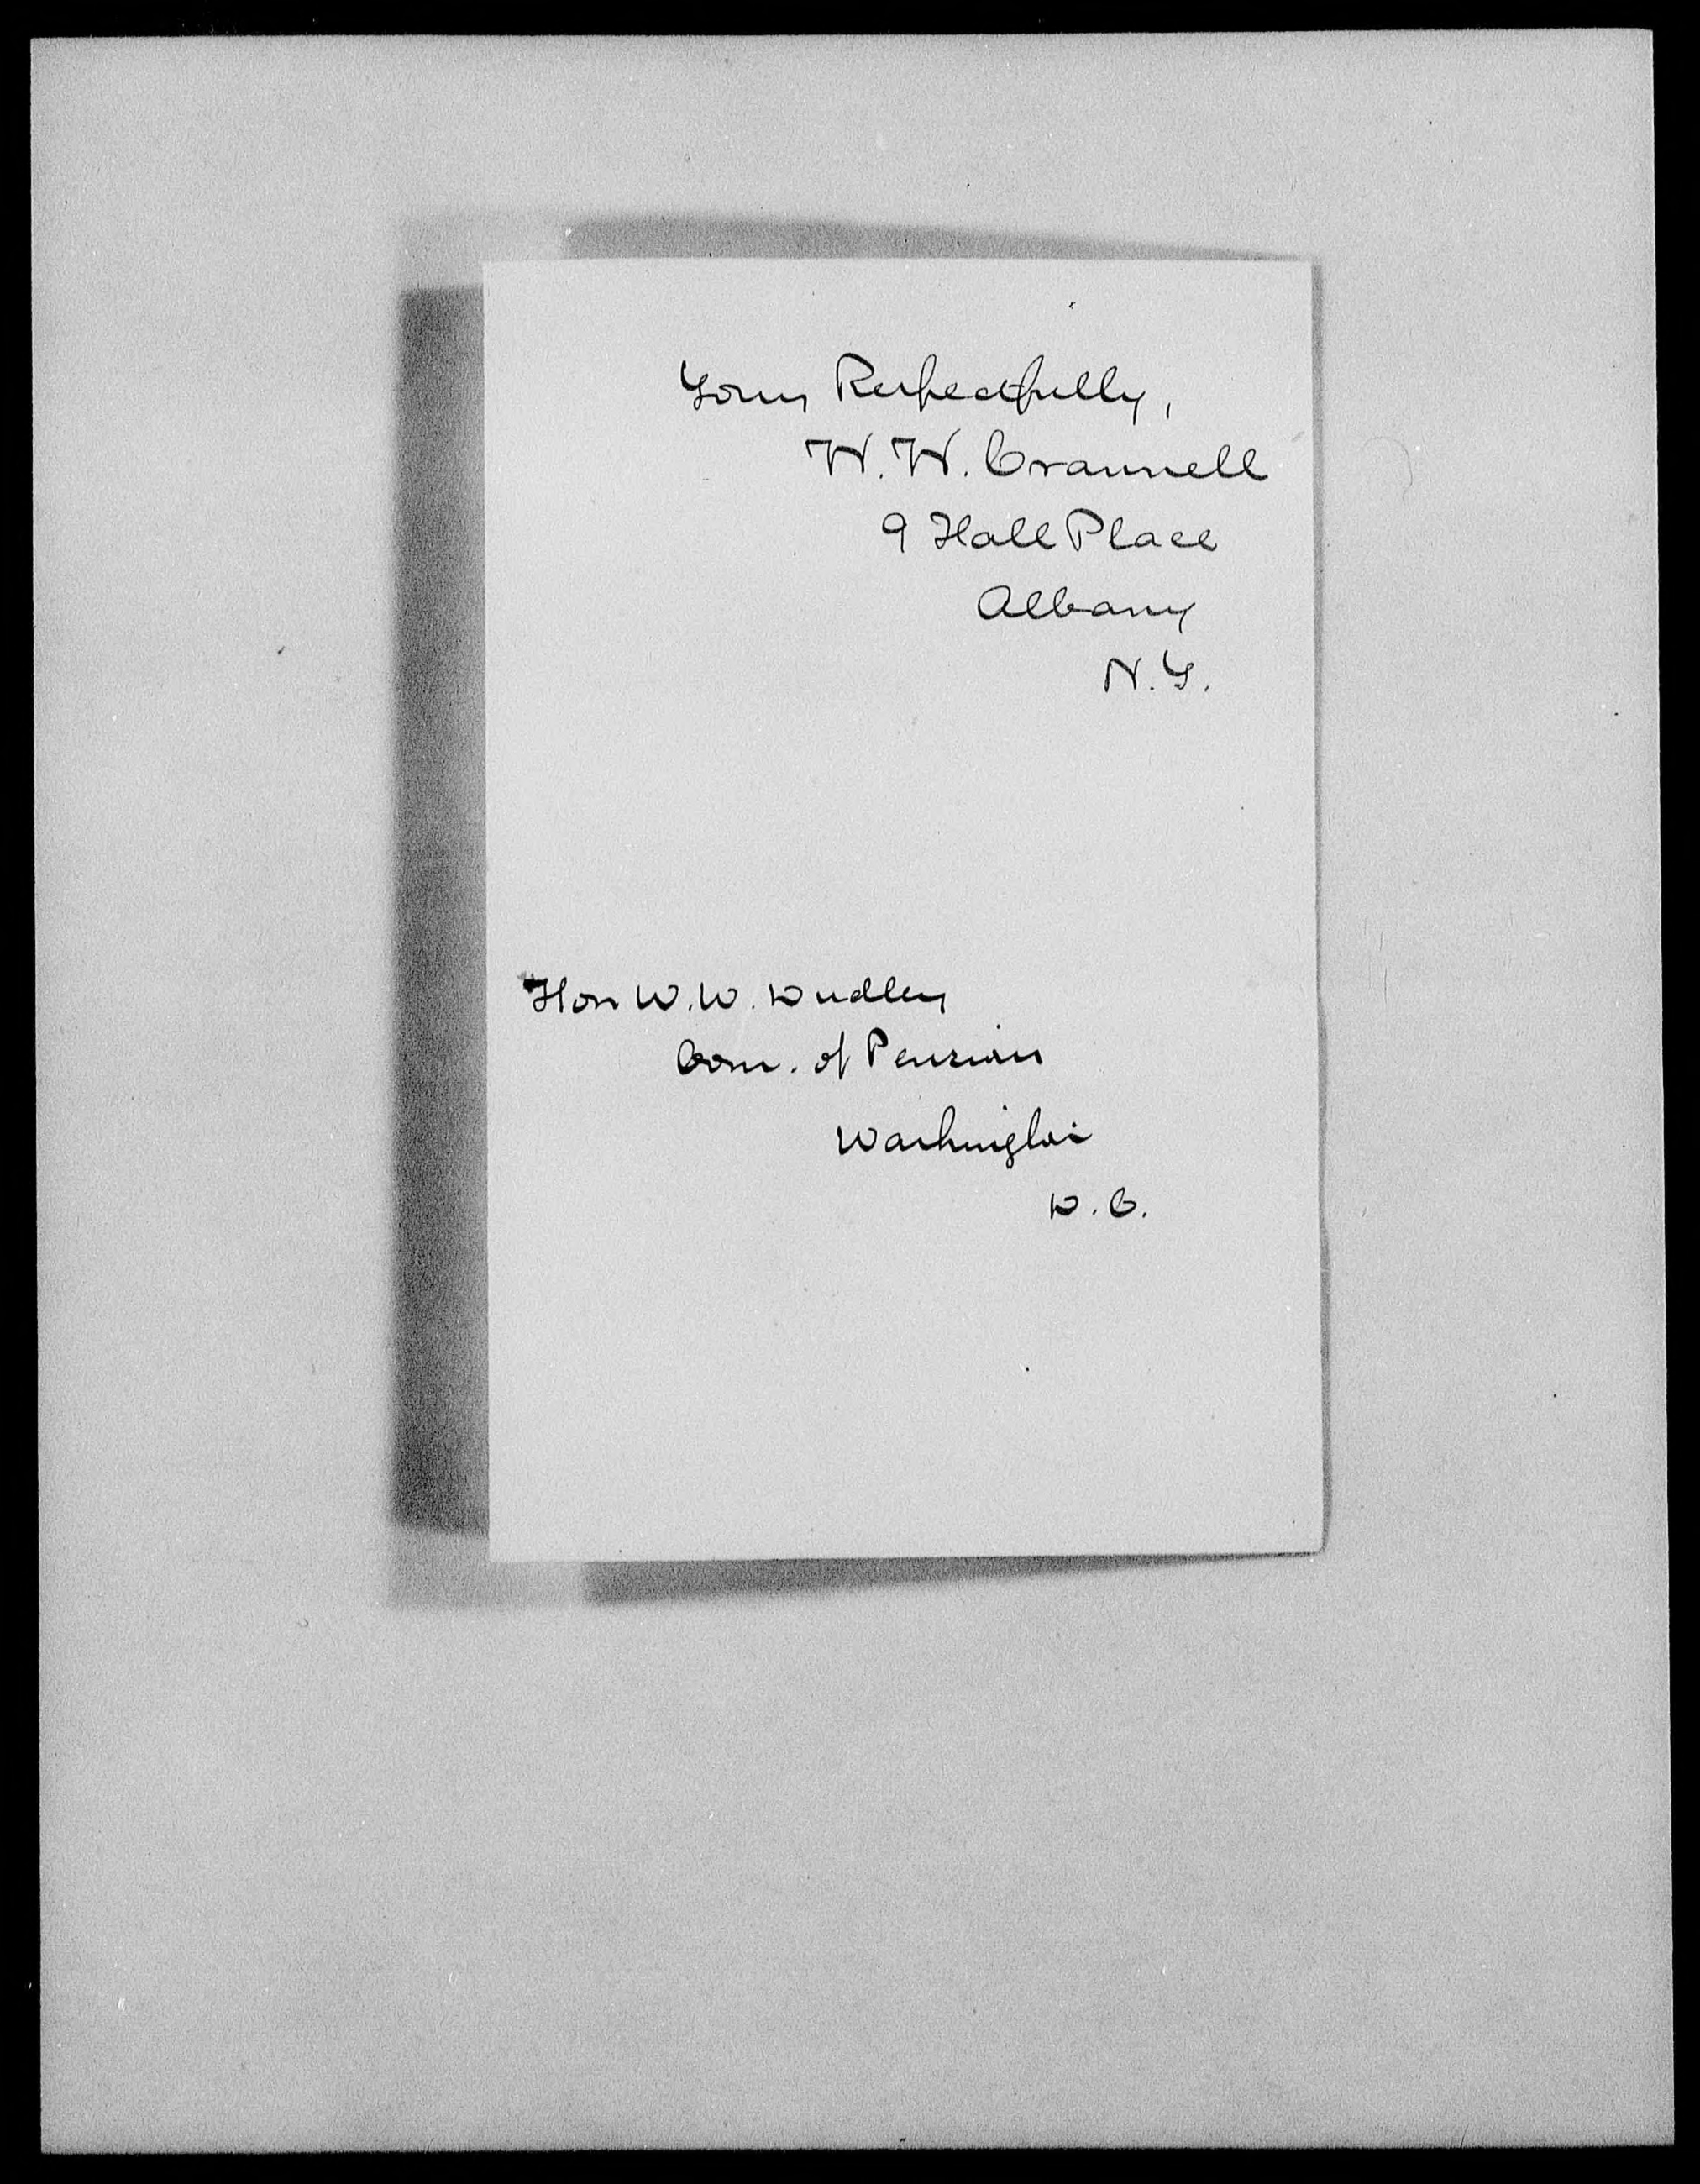Yours Respectfully,
W. W. Crannell
9 Hall Place
Albany
N.Y.
Hon W.W. Dudley
Com. of Pension
Washington
D.C.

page: 61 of 62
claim: widow's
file: W. 765, for Richard L Jones, Connecticut